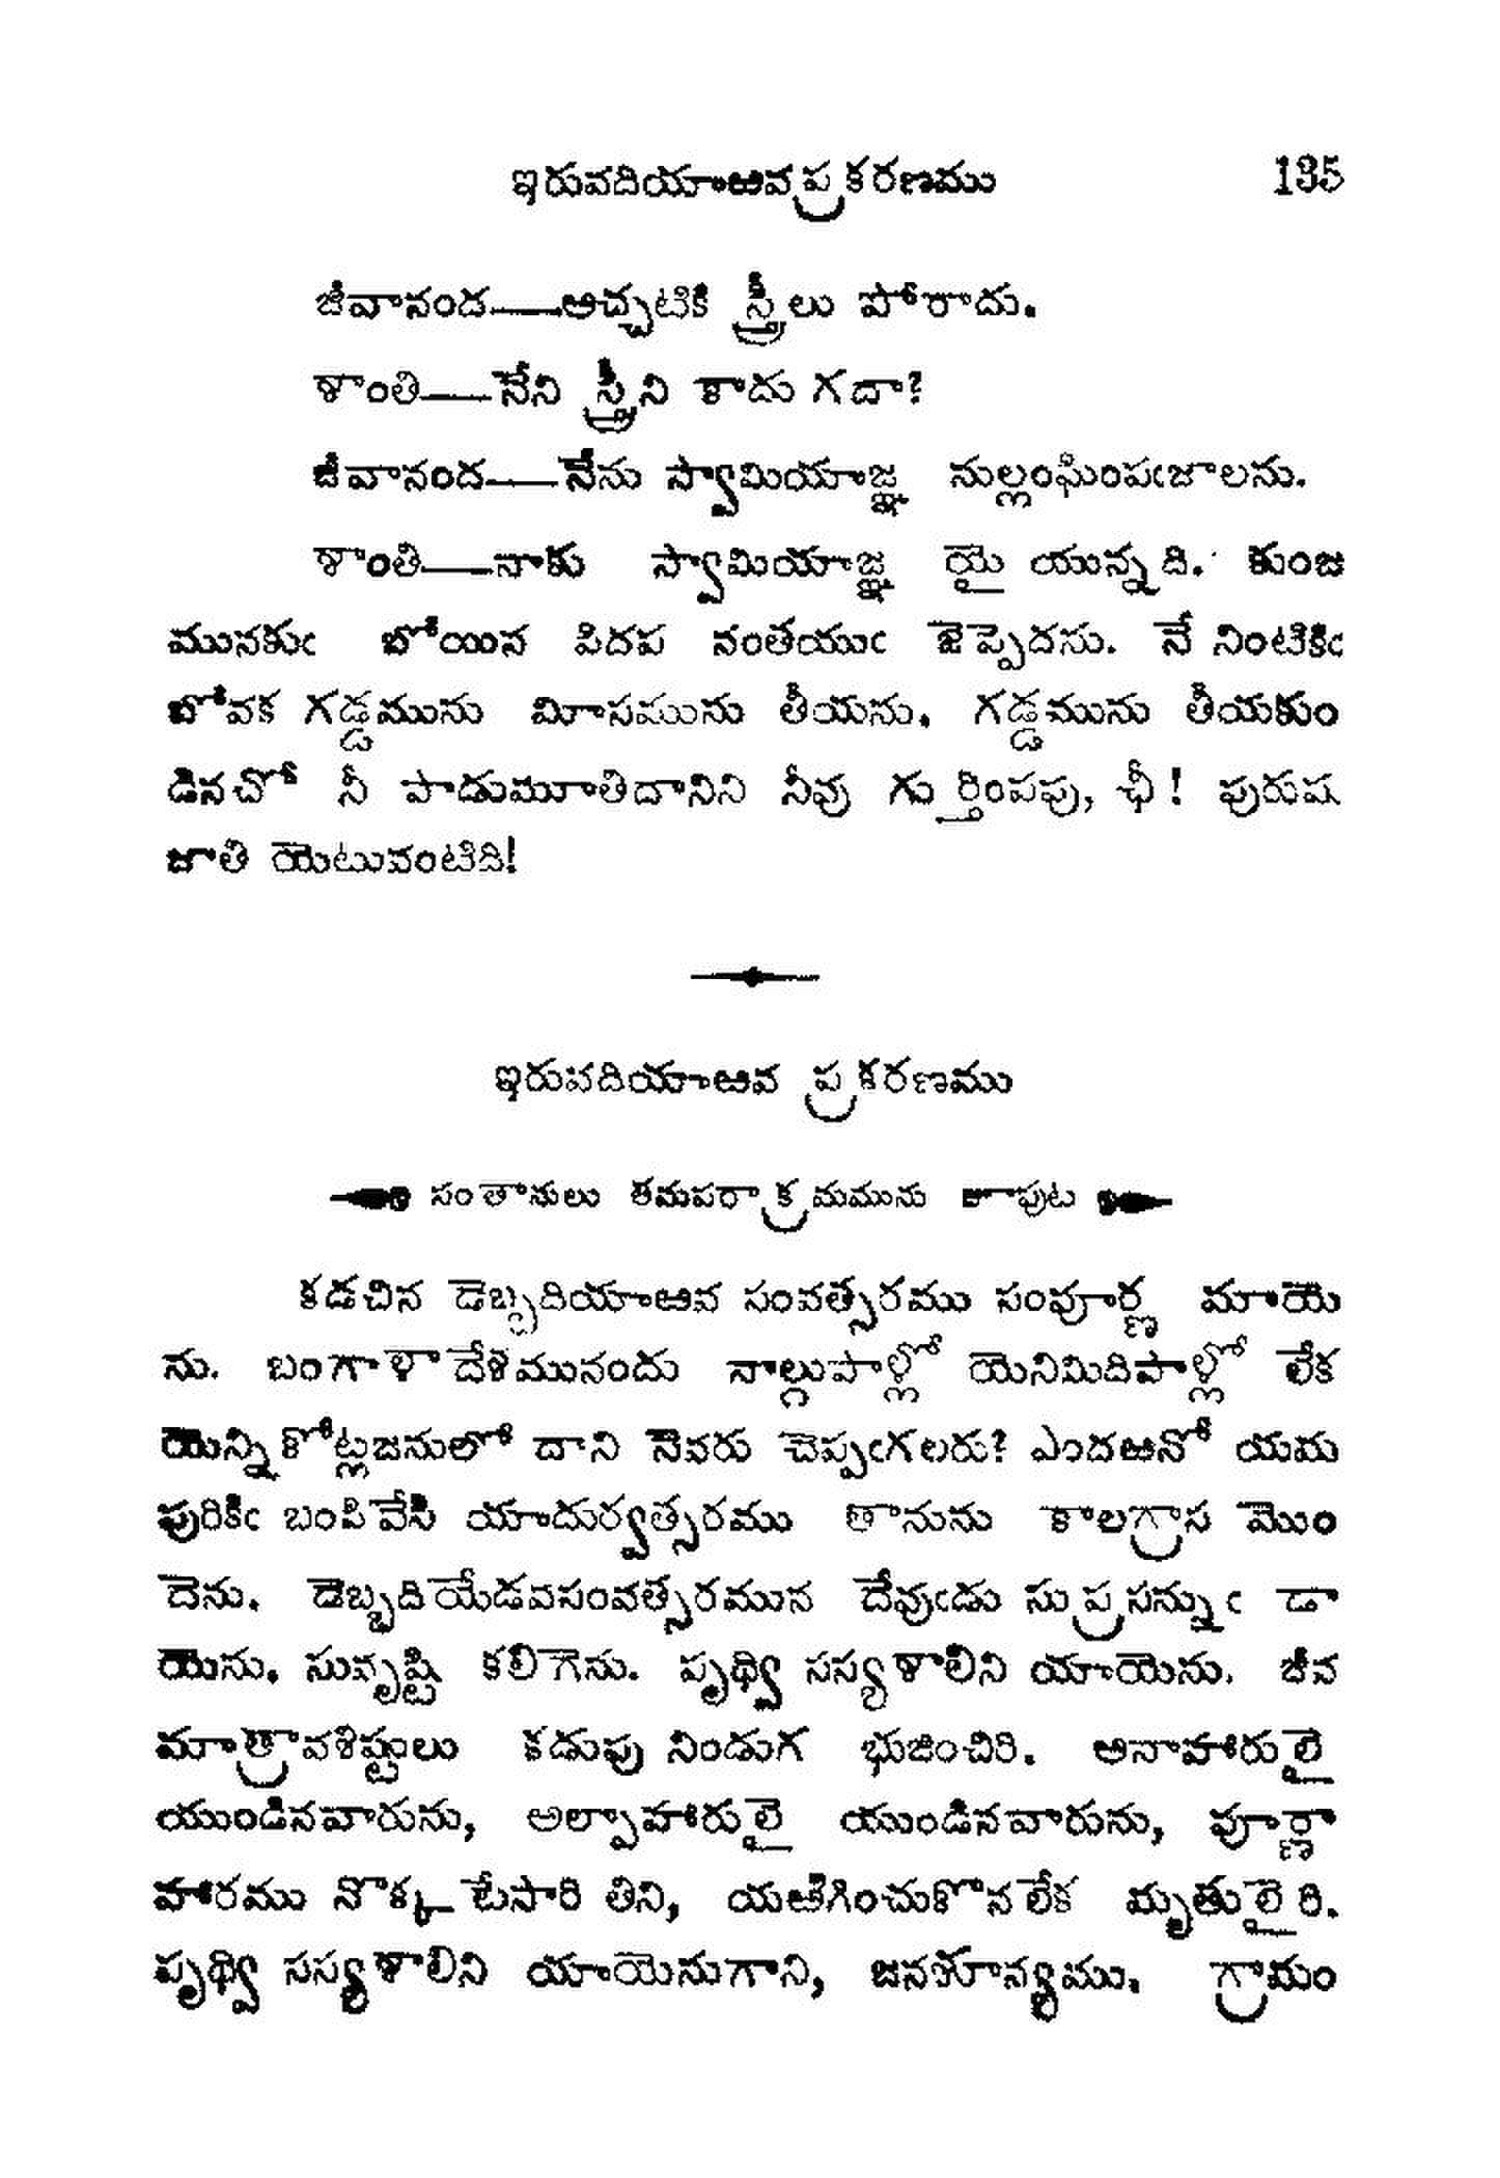జీవానంద—— అచ్చటికి స్త్రీలు పోరాదు.

శాంతి——నేని స్త్రీని కాదు గదా?

జీవానంద—— నేను స్వామియాజ్ఞ నుల్లంఘింపఁజాలను.

శాంతి—— నాకు స్వామియాజ్ఞ యై యున్నది. కుంజమునకు బోయిన పిదప నంతయుఁ జెప్పెదను. నే నింటికిఁ బోవక గడ్డమును మీసమును తీయను. గడ్డమును తీయకుండినచో నీ పాడుమూతి దానిని నీవు గుర్తింపపు, ఛీ ! పురుషజాతి యెటువంటిది!

ఇరువదియాఱవ ప్రకరణము

సంతానులు తమపరాక్రమమును జూపుట,

కడచిన డెబ్బదియాఱవ సంవత్సరము సంపూర్ణ మాయెను. బంగాళా దేశమునందు నాల్గుపాళ్లో యెనిమిది పాళ్లో లేక
యెన్ని కోట్లజనులో దాని నెవరు చెప్పఁగలరు? ఎందఱనో యమపురికిఁ బంపి వేసి యాదుర్వత్సరము తానును కాలగ్రాస మొందెను. డెబ్బది యేడవసంవత్సరమున దేవుఁడు సుప్రసన్నుఁ డాయెను, సువృష్టి కలిగెను. పృథ్వి సస్య శాలిని యాయెను. జీవ మాత్రావశిష్టులు కడుపు నిండుగ భుజించిరి. అనాహారులై యుండినవారును, అల్పాహారులై యుండిన వారును, పూర్ణాహారము నొక్క టేసారి తిని, యఱిగించుకొన లేక మృతులైరి. పృథ్వి సస్యశాలిని యాయెనుగాని, జనశూన్యము, గ్రామం